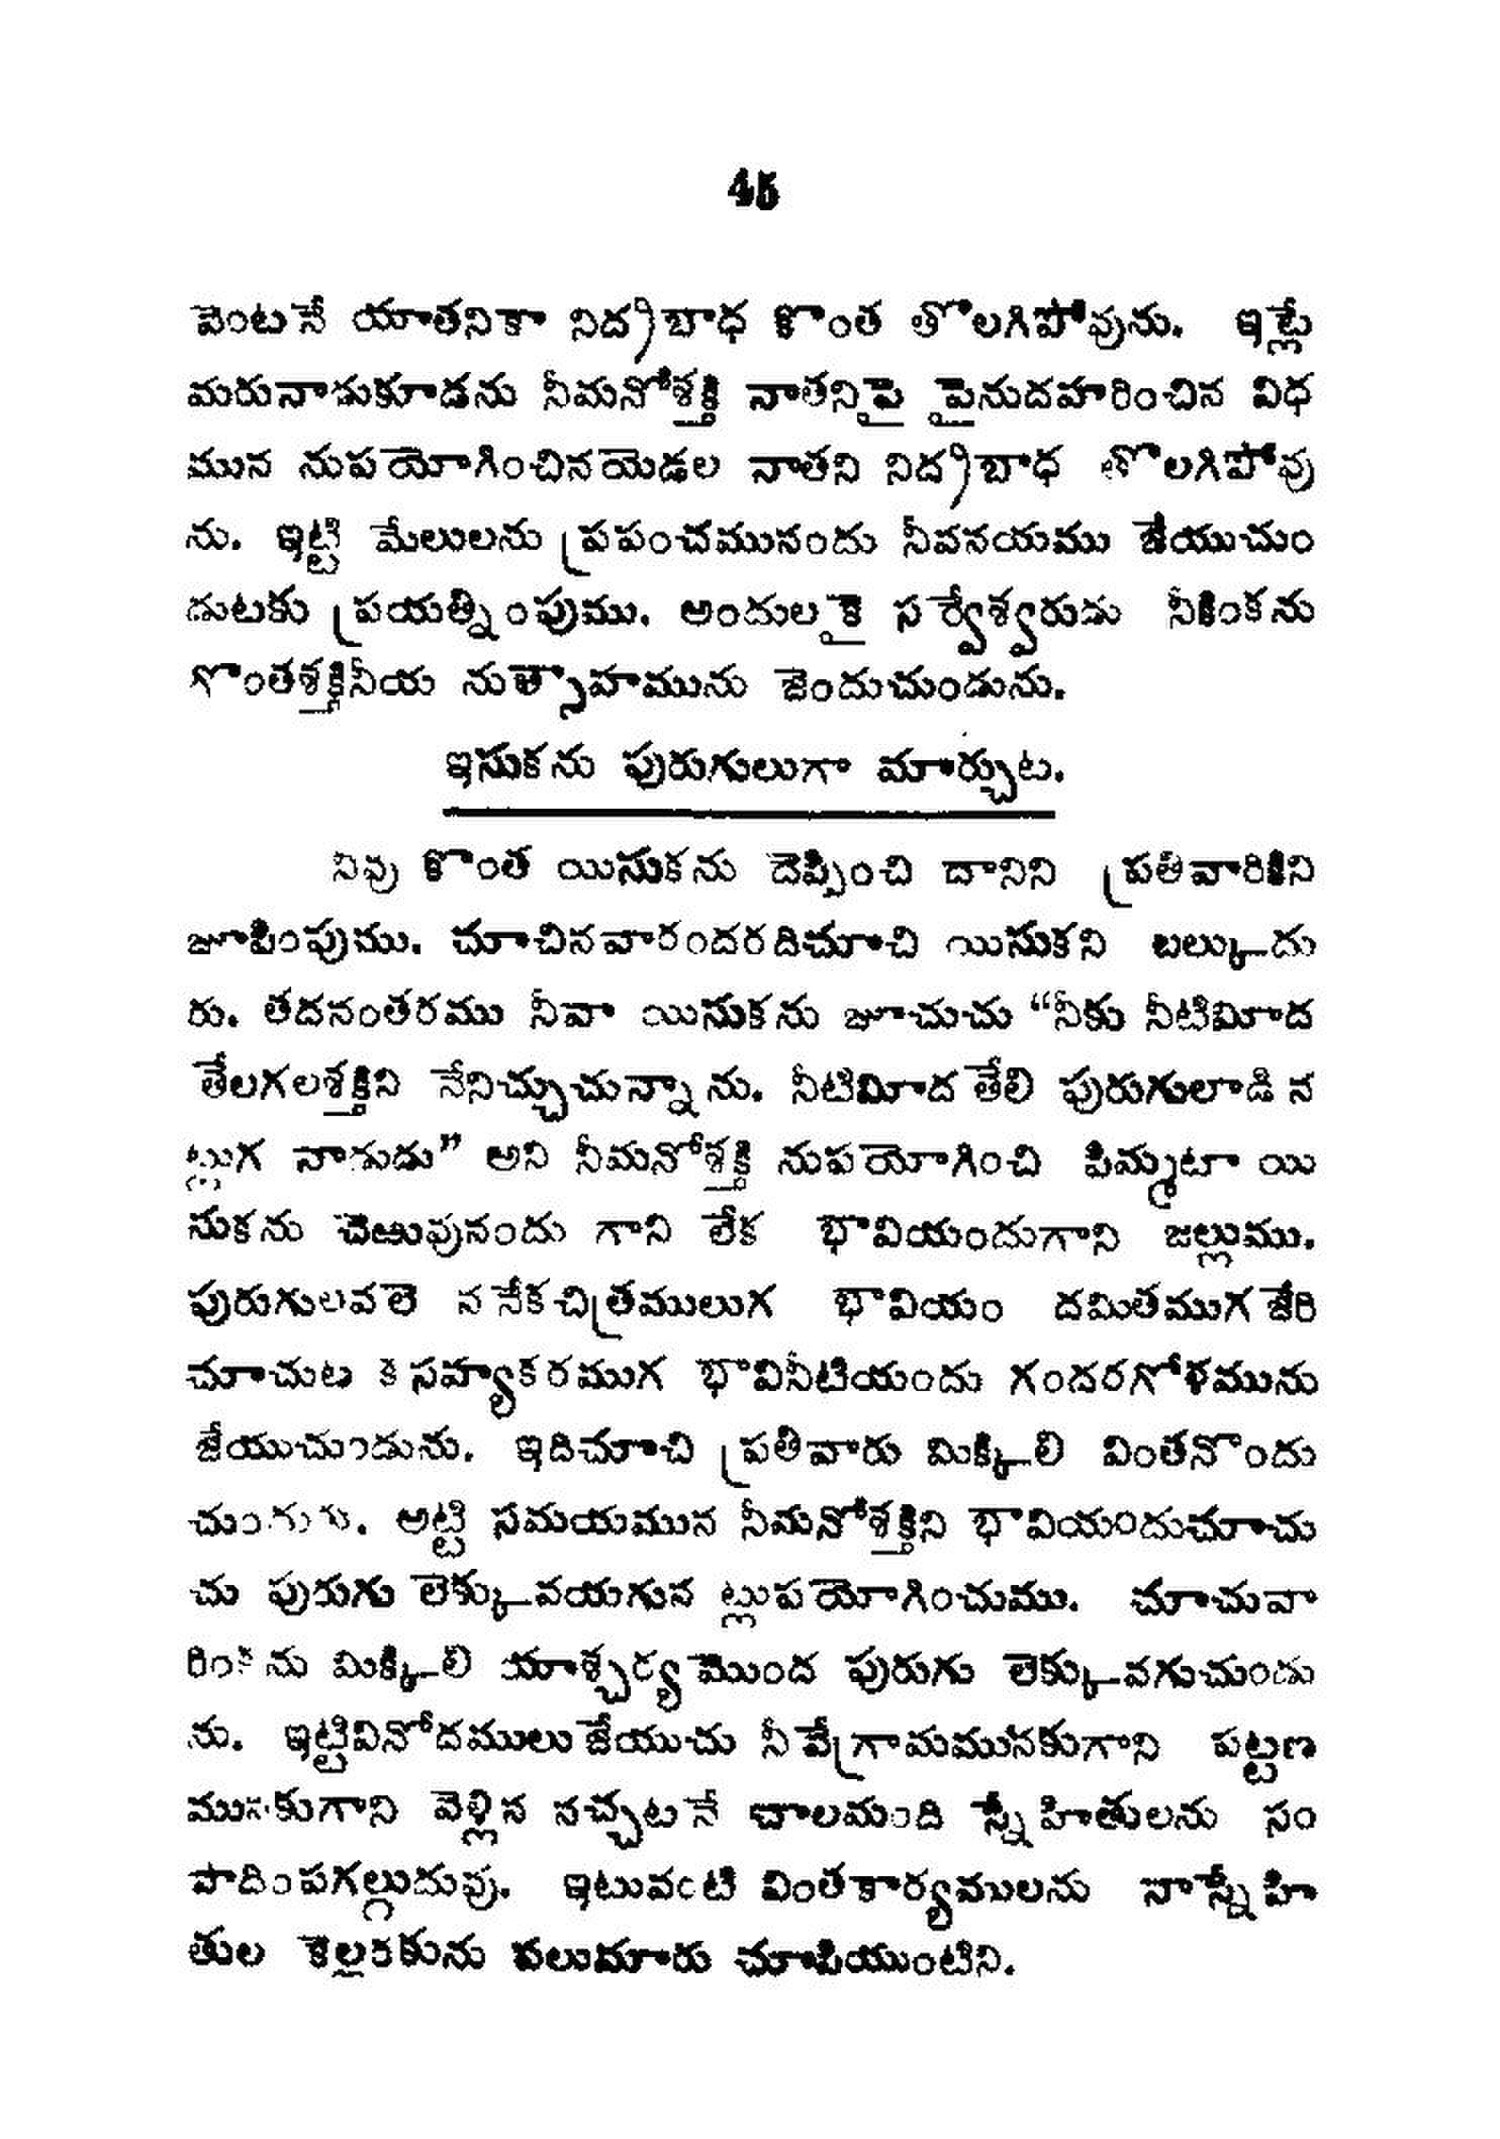వెంటనే యాతనికా నిద్రబాధ కొంత తొలగిపోవును. ఇట్లే మరునాడుకూడను నీమనోశక్తి నాతనిపై పైనుదహరించిన విధమున నుపయోగించినయెడల నాతని నిద్రబాధ తొలగిపోవును. ఇట్టి మేలులను ప్రపంచమునందు నీవనయము జేయుచుండుటకు ప్రయత్నింపుము. అందులకై సర్వేశ్వరుడు నీకింకను గొంతశక్తినీయ నుత్సాహమును జెందుచుండును.

నీవు కొంత యిసుకను దెప్పించి దానిని ప్రతివారికిని జూపింపుము. చూచినవారందరదిచూచి యిసుకని బల్కుదురు. తదనంతరము నీవా యిసుకను జూచుచు “నీకు నీటిమీద తేలగలశక్తిని నేనిచ్చుచున్నాను. నీటిమీద తేలి పురుగులాడి నట్లుగ నాడుడు” అని నీమనోశక్తి నుపయోగించి పిమ్మటా యిసుకను చెఱువునందు గాని లేక భావియందుగాని జల్లుము. పురుగులవలె ననేకచిత్రములుగ భావియం దమితముగజేరి చూచుట కసహ్యకరముగ భావినీటియందు గందరగోళమును జేయుచుండును. ఇదిచూచి ప్రతివారు మిక్కిలి వింతనొందు చుందురు. అట్టి సమయమున నీమనోశక్తిని భావియందుచూచుచు పురుగు లెక్కువయగున ట్లుపయోగించుము. చూచువారింకను మిక్కిలి యాశ్చర్యమొంద పురుగు లెక్కువగుచుండును. ఇట్టివినోదములుజేయుచు నీవేగ్రామమునకుగాని పట్టణమునకుగాని వెళ్లిన సచ్చటనే చాలమంది స్నేహితులను సంపాదింప గల్గుదువు. ఇటువంటి వింతకార్యములను నా స్నేహితుల కెల్లరకును పలుమారు చూపియుంటిని.